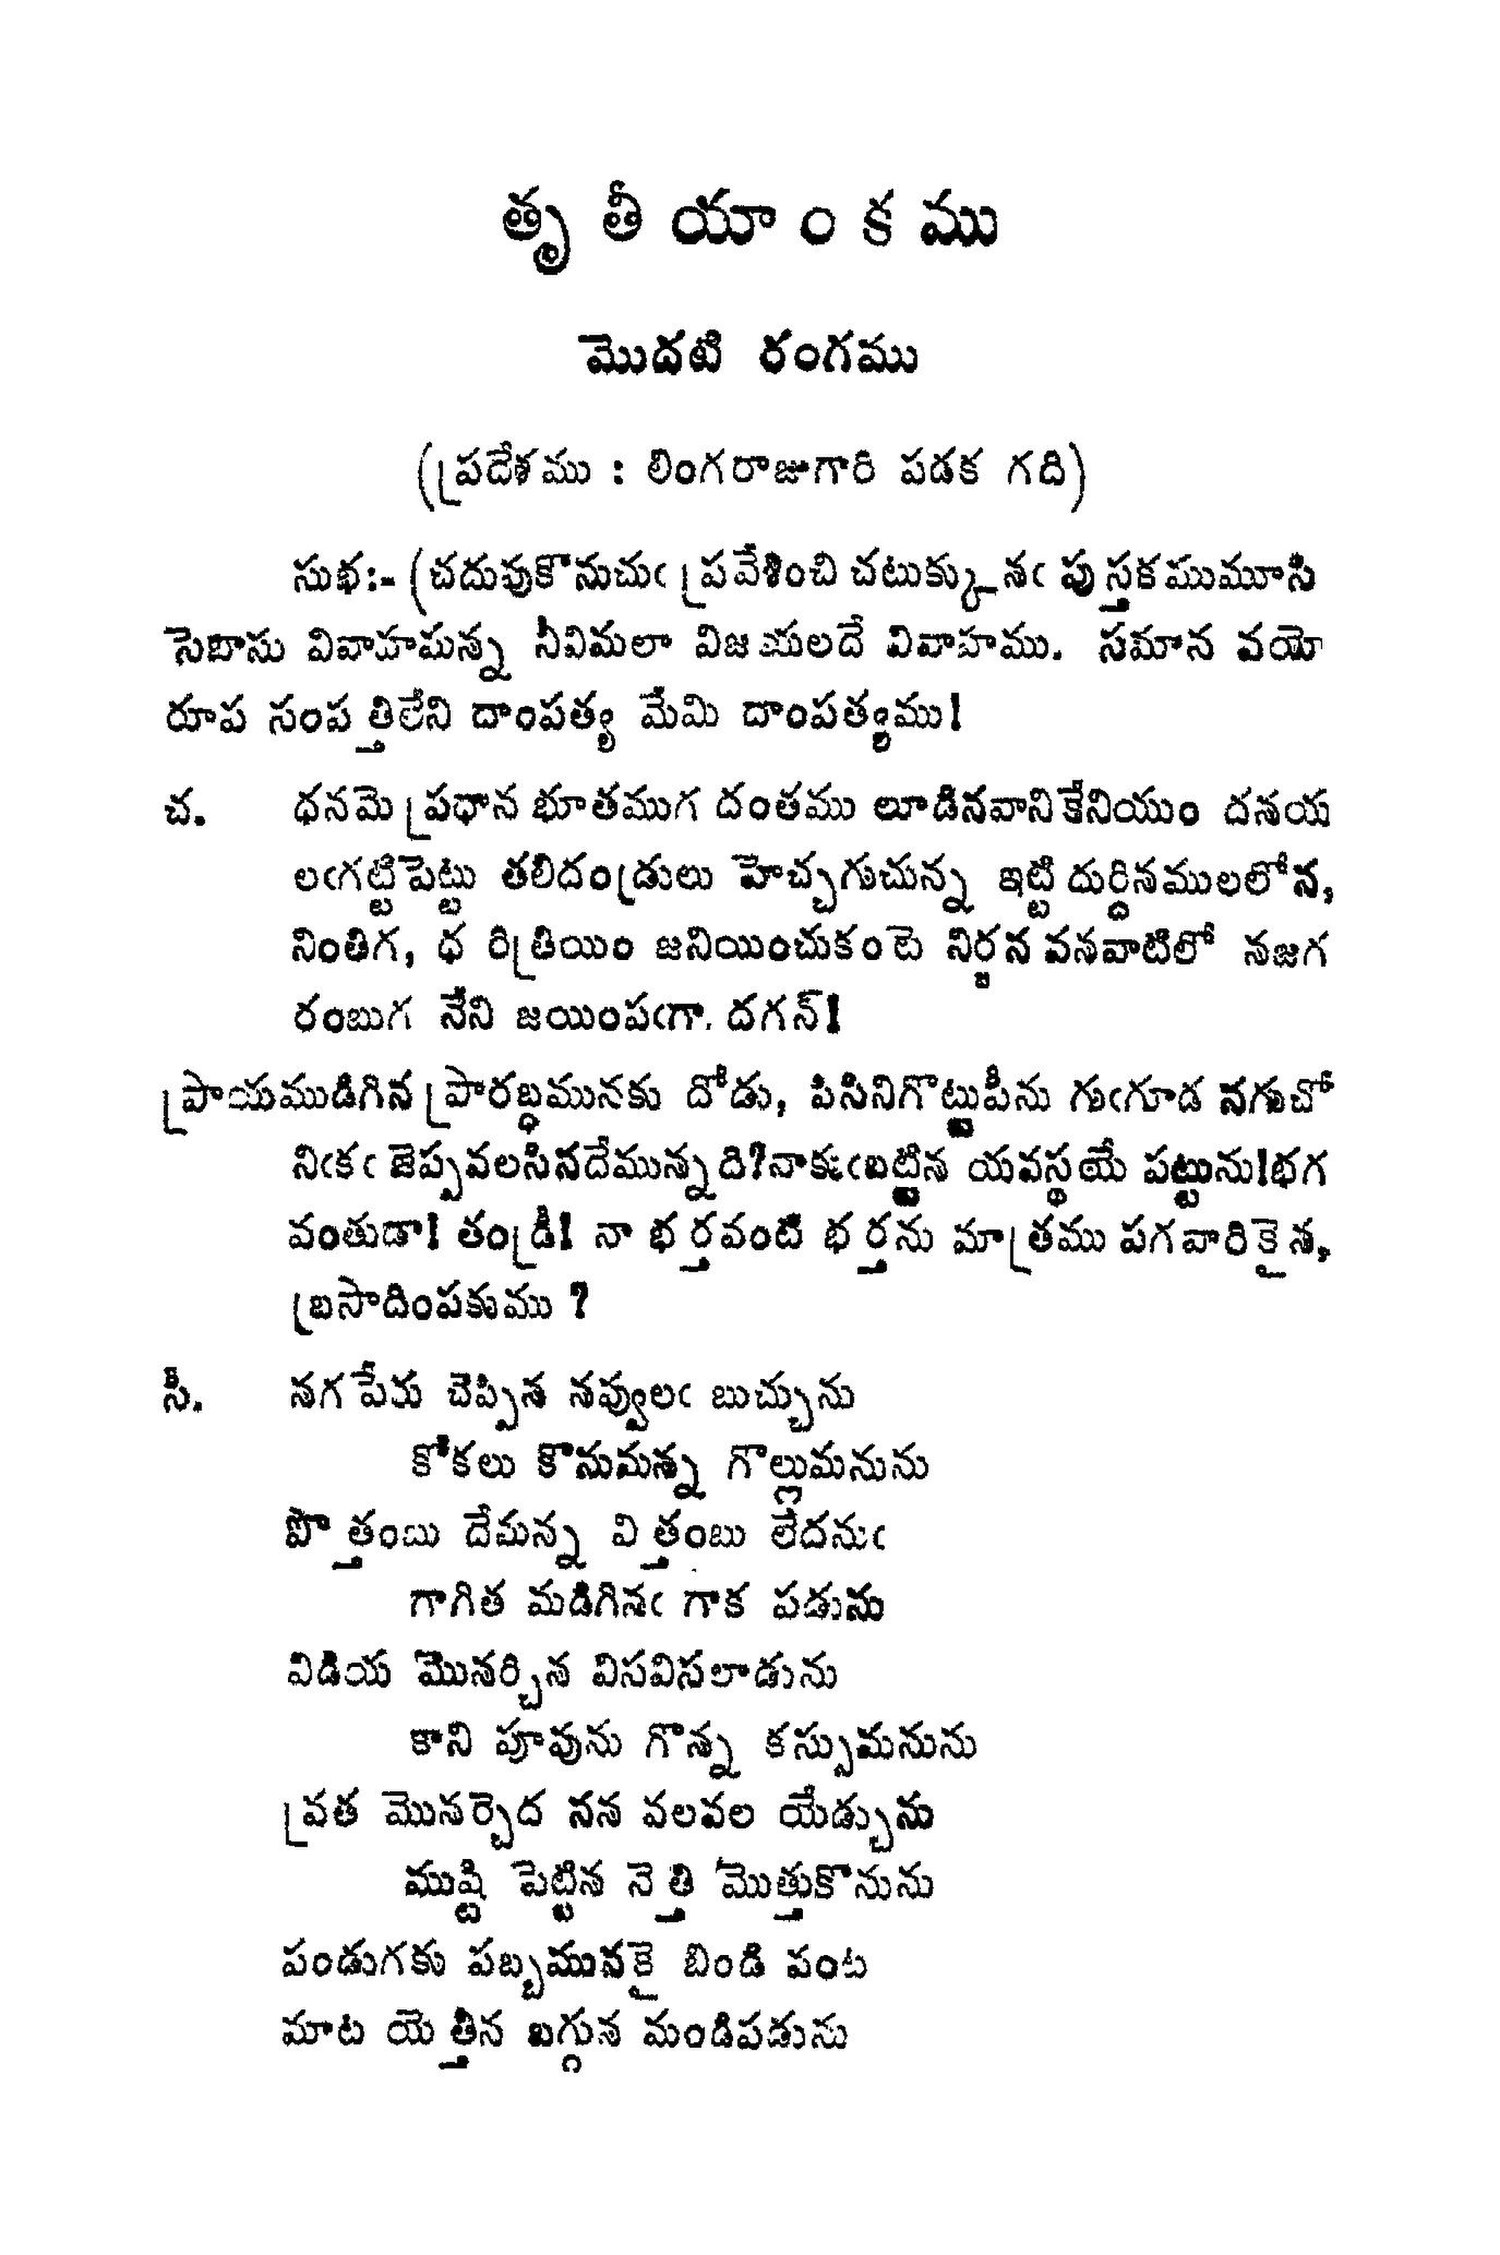సుభ :- (చదువుకొనుచుఁ ప్రవేశించి చటుక్కునఁపుస్తకము మూసి) సెబాసు వివాహమన్న నీ విమలా విజ యలదే వివాహము. సమాన వయోరూప సంపత్తిలేని దాంపత్య మేమి దాంపత్యము?

చ. ధనమె ప్రధాన భూతముగ దంతము లూడినవానికేనియుం దనయ 
 లఁగట్టిపెట్టు తలిదండ్రులు హెచ్చగుచున్న ఇట్టి దుర్దినములలోన, 
 నింతిగ, ధ రిత్రియిం జనియించుకంటె నిర్జన వనవాటిలో, నజగ 
 రంబుగ నేని జయింపఁగా దగున్‌!

ప్రాయముడిగిన ప్రారబ్ధమునకు దోడు, పిసినిగొట్టుపీను గుఁగూడ నగుచో నిఁకఁ జెప్పవలసినదేమున్నది! నాకుఁబట్టిన యవస్థయే పట్టును! భగవంతుఁడా! తండ్రీ! నా భర్తవంటి భర్తను మాత్రము పగవారికైనఁ బ్రసాదింపకుము?

సీ. నగపేరు చెప్పిన నవ్వులఁ బుచ్చును
 కోకలు కొనుమన్న గొల్లుమనును
 పొత్తంబు దెమ్మన విత్తంబు లేదనుఁ
 గాగిత మడిగినఁ గాక పడును
 విడియ మొనర్చిన విసవిసలాడును
 కాని పూవును గొన్న కస్సుమనును
 వ్రత మొనర్చెద నన వలవల యేడ్చును
 ముష్టి పెట్టిన నెత్తి మొత్తుకొనును

 పండుగకు పబ్బమునకై బిండి వంట
 మాట యెత్తిన బగ్గున మండిపడును